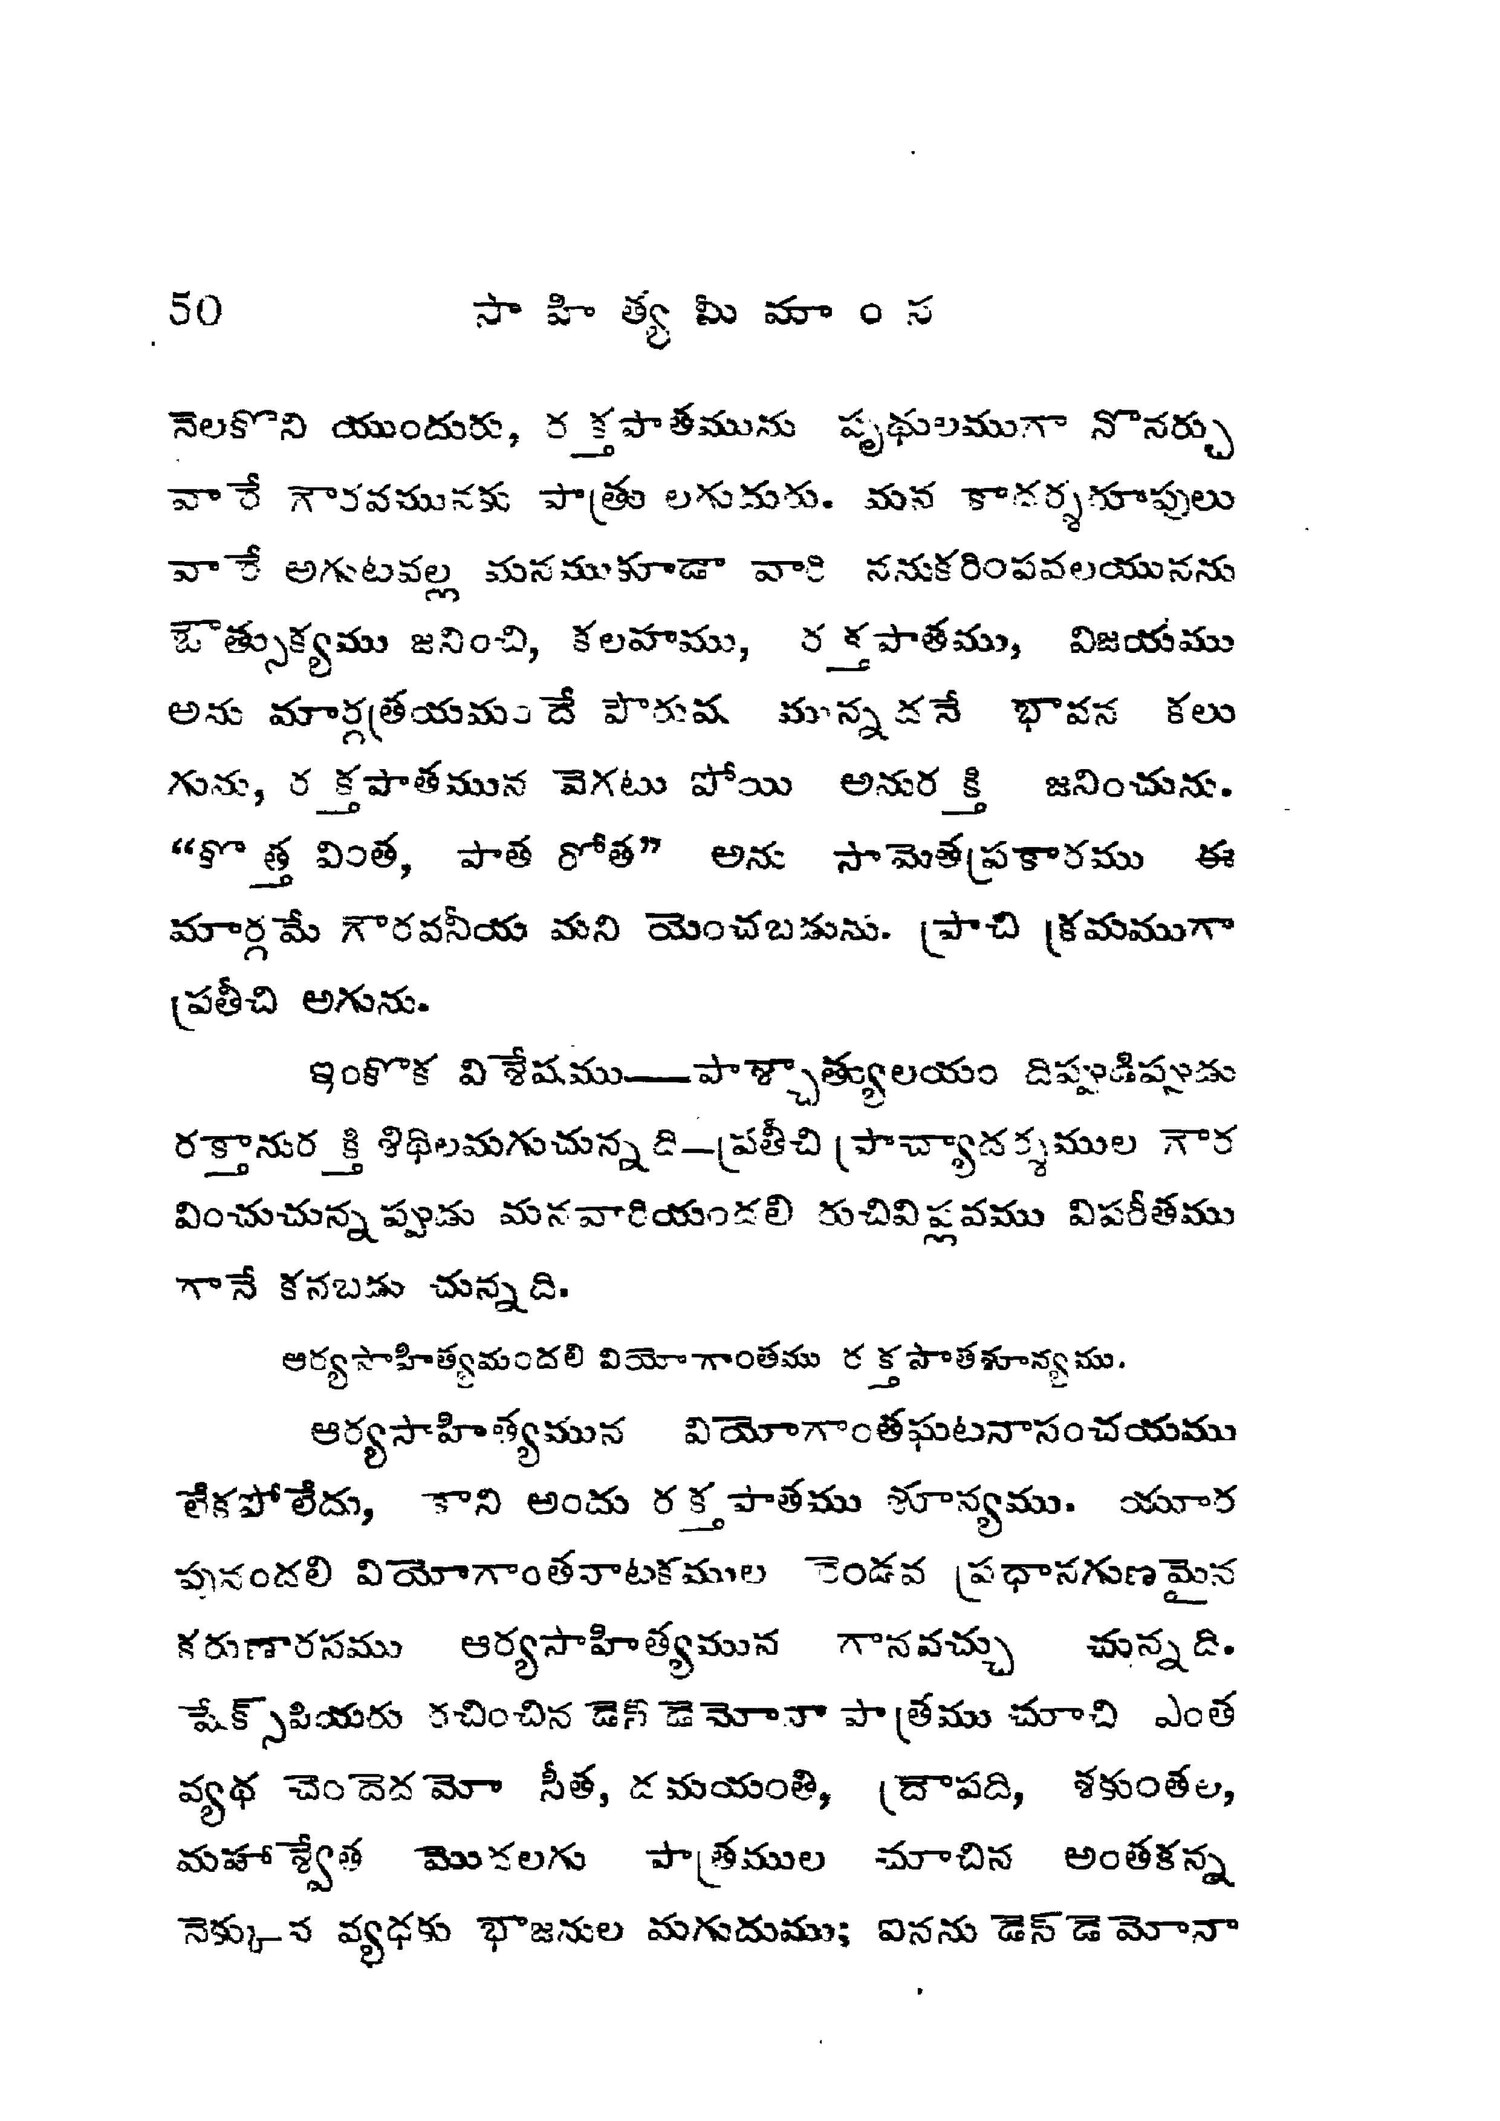నెలకొని యుందురు, రక్తపాతమును పృథులముగా నొనర్చువారే గౌరవమునకు పాత్రు లగుదురు. మన కాదర్శరూపులు వారే అగుటవల్ల మనముకూడా వారి ననుకరింపవలయునను ఔత్సుక్యము జనించి, కలహము, రక్తపాతము, విజయము అను మార్గత్రయమందే పౌరుష మున్నదనే భావన కలుగును, రక్తపాతమున వెగటు పోయి అనురక్తి జనించును. "కొత్త వింత, పాత రోత" అను సామెతప్రకారము ఈ మార్గమే గౌరవనీయ మని యెంచబడును. ప్రాచి క్రమముగా ప్రతీచి అగును.

ఇంకొక విశేషము - పాశ్చాత్యులయం దిప్పుడిప్పుడు రక్తానురక్తి శిథిలమగుచున్నది. - ప్రతీచి ప్రాచ్యాదర్శముల గౌరవించుచున్నప్పుడు మనవారియందలి రుచివిప్లవము విపరీతముగానే కనబడు చున్నది.

ఆర్యసాహిత్యమున వియోగాంతఘటనాసంచయము లేకపోలేదు, కాని అందు రక్త పాతము శూన్యము. యూరపునందలి వియోగాంతనాటకముల రెండవ ప్రధానగుణమైన కరుణారసము ఆర్యసాహిత్యమున గానవచ్చు చున్నద్ఫి. షేక్స్‌పియరు రచించిన డెస్‌డెమోనా పాత్రము చూచి ఎంత వ్యథ చెందెదమో సీత, దమయంతి, ద్రౌపది, శకుంతల, మహాశ్వేత మొదలగు పాత్రముల చూచిన అంతకాన్న నెక్కువ వ్యధకు భాజనుల మగుదుము; ఐనను డెస్‌డెమోనా